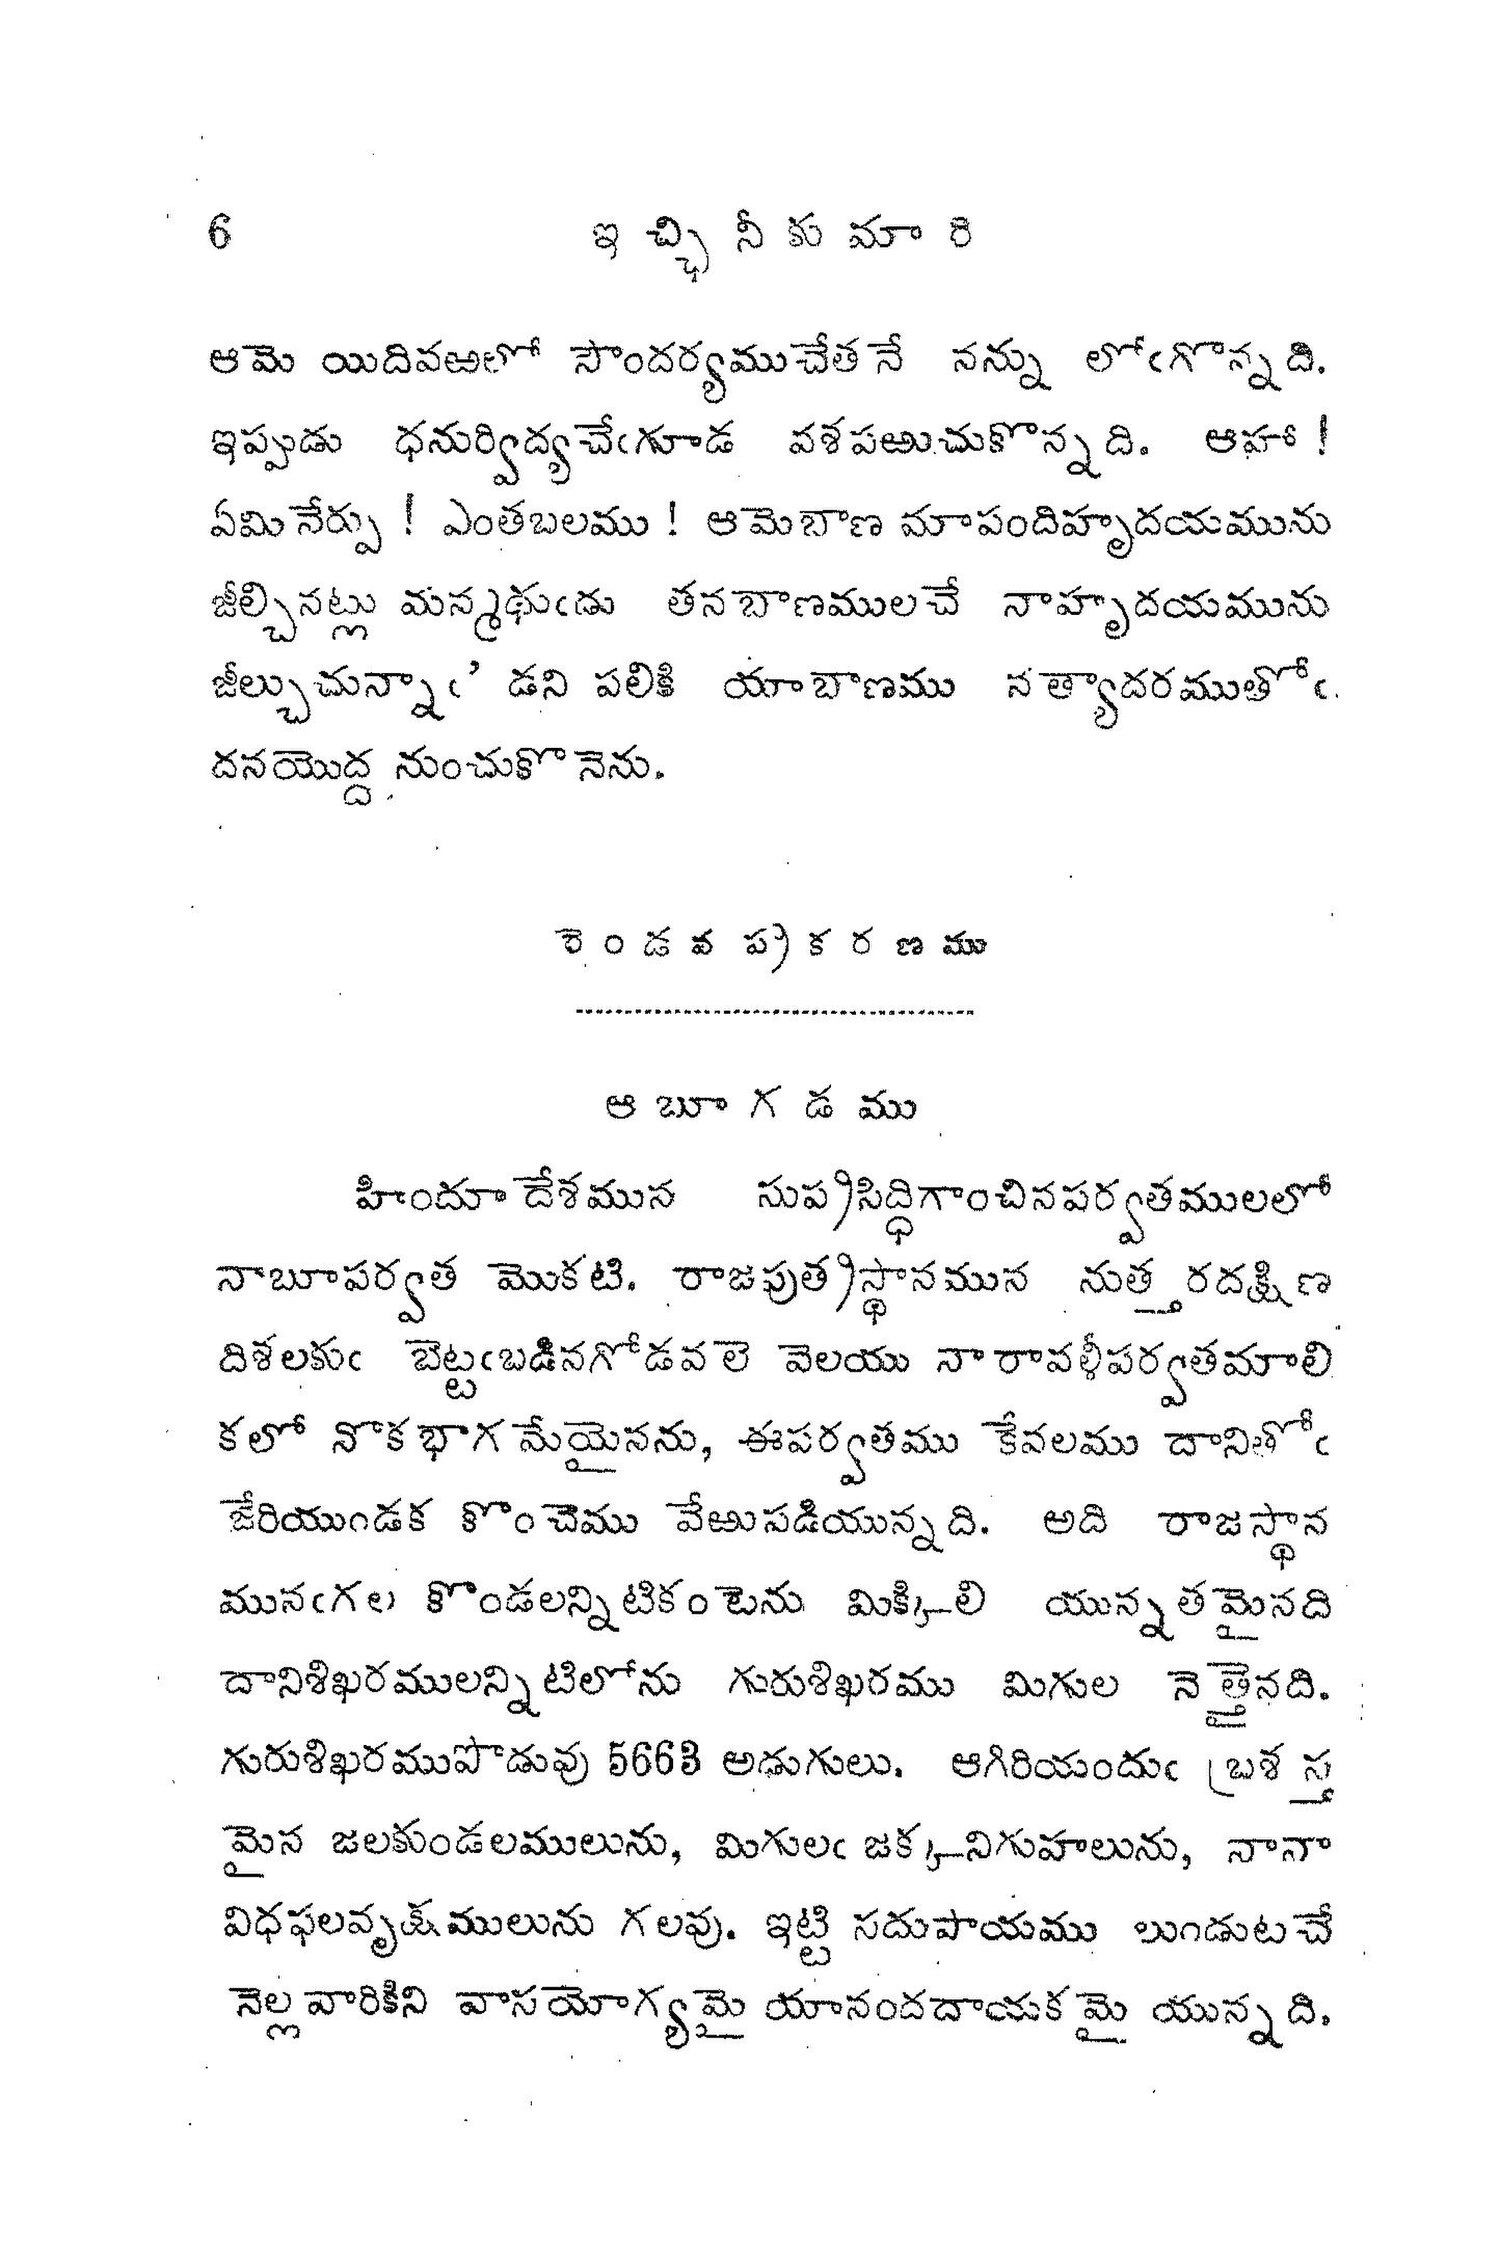ఆమె యిదివఱలో సౌందర్యము చేతనే నన్ను లోఁగొన్నది. ఇప్పుడు ధనుర్విద్యచేఁగూడ వశపఱుచుకొన్నది. ఆహా! ఏమి నేర్పు! ఎంతబలము! ఆమెబాణ మాపంది హృదయమును జీల్చినట్లు మన్మథుఁడు తనబాణములచే నాహృదయమును జీల్చుచున్నాఁ' డని పలికి యాబాణము నత్యాదరముతోఁ దనయొద్ద నుంచుకొనెను.

హిందూదేశమున సుప్రసిద్ధిగాంచినపర్వతములలో నాబూపర్వత మొకటి. రాజపుత్రస్థానమున నుత్తరదక్షిణదిశలకుఁ బెట్టఁబడినగోడవలె వెలయు నారావళీపర్వతమాలికలో నొకభాగమేయైనను, ఈపర్వతము కేవలము దానితో జేరియుండక కొంచెము వేఱుపడియున్నది. అది రాజస్థానమునఁగల కొండలన్నిటికంటెను మిక్కిలి యున్నతమైనది దాని శిఖరములన్నిటిలోను గురుశిఖరము మిగుల నెత్తైనది. గురుశిఖరముపొడువు 5668 అడుగులు, ఆగిరియందుఁ బ్రశస్తమైన జలకుండలములును, మిగులఁ జక్కనిగుహలును, నానావిధఫలవృక్షములును గలవు. ఇట్టి సదుపాయము లుండుటచే నెల్లవారికిని వాసయోగ్యమై యానందదాయకమై యున్నది.